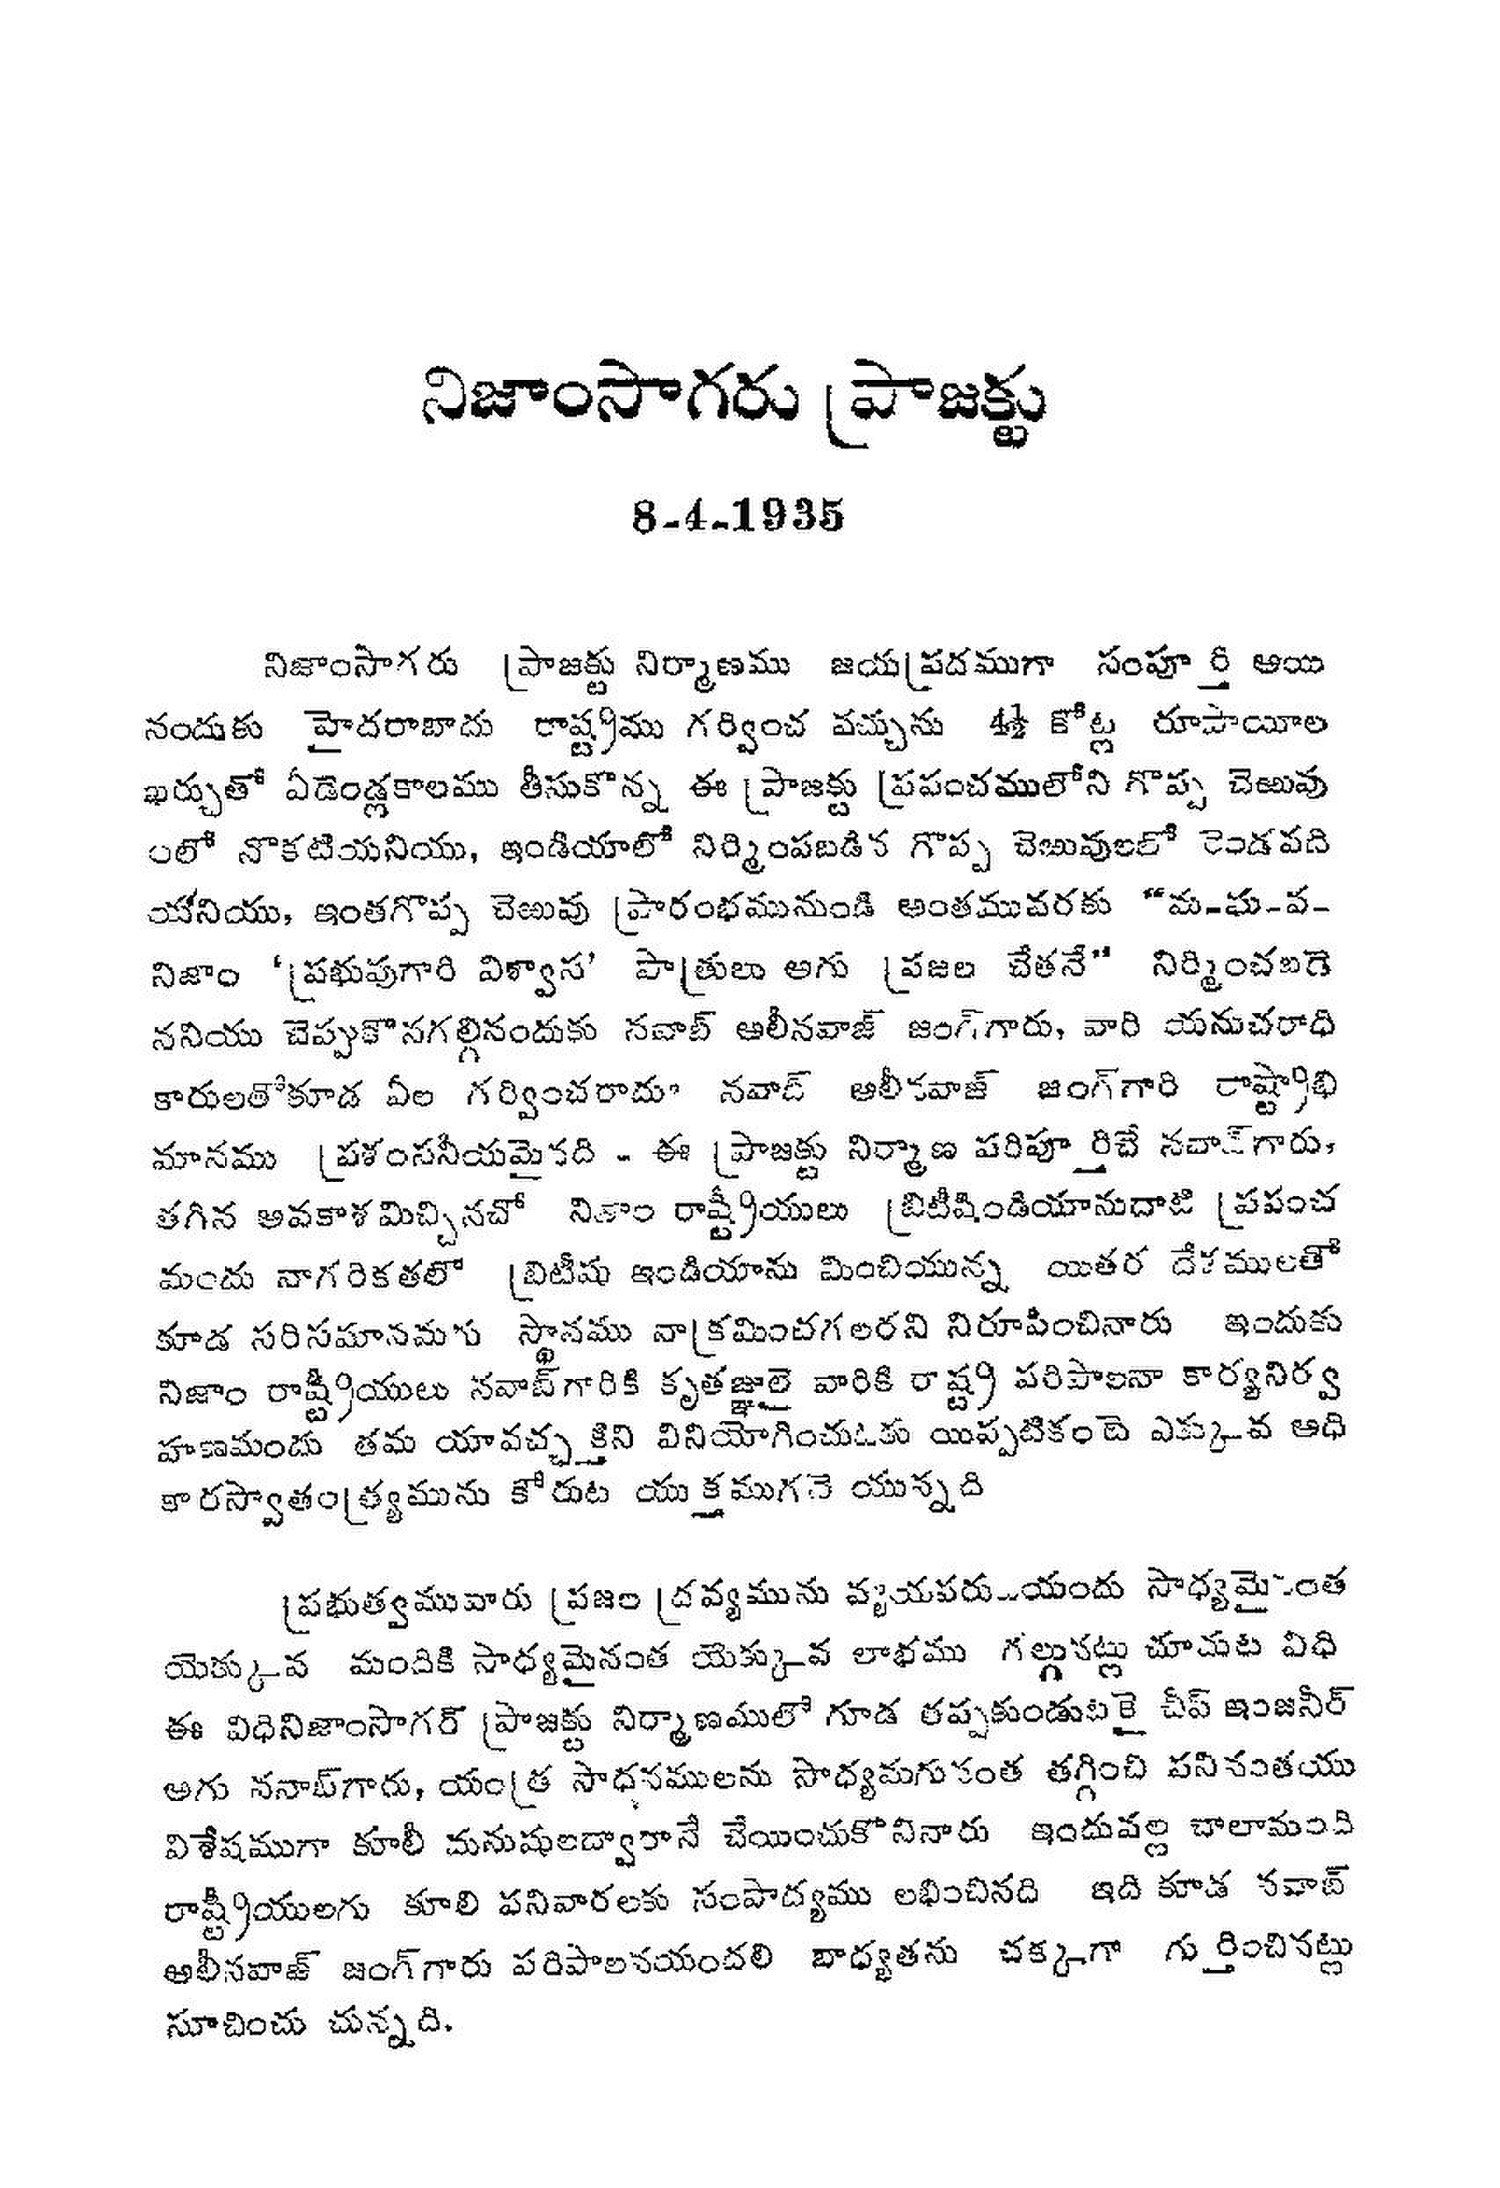నిజాంసాగరు ప్రాజక్టు

8 - 4 - 1935

నిజాంసాగరు ప్రాజక్టు నిర్మాణము జయప్రదముగా సంపూర్తి అయినందుకు హైదరాబాదు రాష్ట్రము గర్వించ వచ్చును 4½ కోట్ల రూపాయీల ఖర్చుతో ఏడేండ్లకాలము తీసుకొన్న ఈ ప్రాజెక్టు ప్రపంచములోని గొప్ప చెఱువులలో నొకటియనియు, ఇండియాలో నిర్మింపబడిన గొప్ప చెఱువులలో రెండవది యనియు, ఇంతగొప్ప చెఱువు ప్రారంభమునుండి అంతమువరకు "మ-ఘ-వ- నిజాం 'ప్రభువుగారి విశ్వాస' పాత్రులు అగు ప్రజల చేతనే" నిర్మించబడెననియు చెప్పుకొనగల్గినందుకు నవాబ్ అలీనవాజ్ జంగ్‌గారు, వారి యనుచరాధికారులతోకూడ ఏల గర్వించరాదు. నవాజ్ అలీనవాజ్ జంగ్‌గారి రాష్ట్రాభిమానము ప్రశంసనీయమైనది - ఈ ప్రాజక్టు నిర్మాణ పరిపూర్తిచే నవాబ్‌గారు, తగిన అవకాశ మిచ్చినచో నిజాం రాష్ట్రీయులు బ్రిటీషిండియానుదాటి ప్రపంచమందు నాగరికతలో బ్రిటీషు ఇండియాను మించియున్న యితర దేశములతో కూడ సరిసమానమగు స్థానము నాక్రమించగలరని నిరూపించినారు ఇందుకు నిజాం రాష్ట్రీయులు నవాబ్‌గారికి కృతజ్ఞులై వారికి రాష్ట్ర పరిపాలనా కార్యనిర్వహణమందు తమ యావచ్చక్తిని వినియోగించుటకు యిప్పటికంటె ఎక్కువ అధికారస్వాతంత్ర్యమును కోరుట యుక్తముగనె యున్నది

ప్రభుత్వమువారు ప్రజల ద్రవ్యమును వ్యయపరుపయందు సాధ్యమైనంత యెక్కువ మందికి సాధ్యమైనంత యెక్కువ లాభము గల్గునట్లు చూచుట విధి ఈ విధినిజాంసాగర్ ప్రాజక్టు నిర్మాణములో గూడ తప్పకుండుటకై చీప్ ఇంజనీర్ అగు ననాబ్‌గారు, యంత్ర సాధనములను సాధ్యమగునంత తగ్గించి పనినంతయు విశేషముగా కూలీ మనుషులద్వారానే చేయించుకొనినారు ఇందువల్ల చాలామంది రాష్ట్రీయులగు కూలి పనివారలకు సంపాద్యము లభించినది ఇది కూడ నవాబ్ అలీనవాజ్ జంగ్‌గారు పరిపాలనయందలి బాధ్యతను చక్కగా గుర్తించినట్లు సూచించు చున్నది.